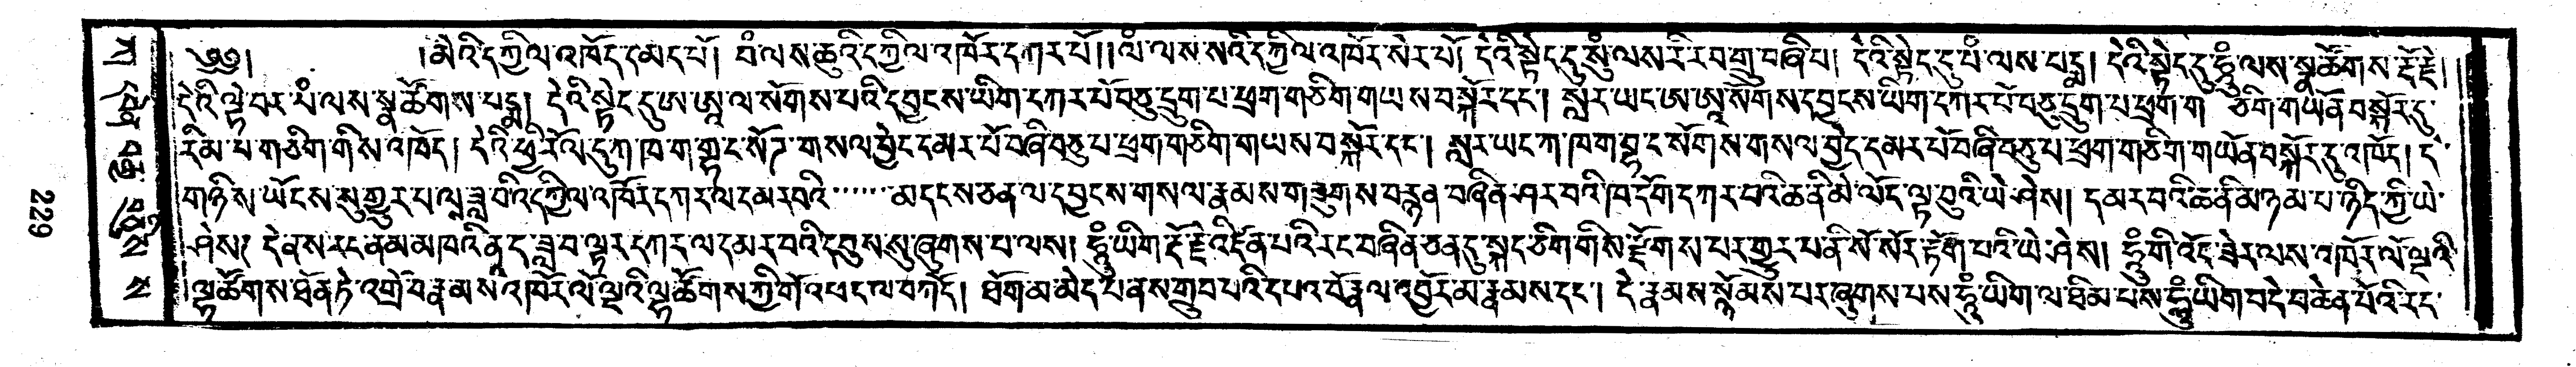༄༅། །མིའི་དཀྱིལ་འཁོད་དམར?་པོ། བཾ་ལས་ཆུའི་དཀྱིལ་འཁོར་དཀར་པོ། །ལཾ་ལས་སའི་དཀྱིལ་འཁོར་སེར་པོ། དེའི་སྟེང་དུ་སུཾ་ལས་རི་རབ་གྲུ་བཞི་པ། དེའི་སྟེང་དུ་པཾ་ལས་པདམ། དེའི་སྟེང་དུ་ཧཱུཾ་ལས་སྣ་ཚོགས་རྡོ་རྗེ།
དེའི་ལྟེ་བར་པཾ་ལས་སྣ་ཚོགས་པདམ། དེའི་སྟེང་དུ་ཨ་ཨཱ་ལ་སོགས་པའི་དབྱངས་ཡིག་དཀར་པོ་བཅུ་དྲུག་པ་ཕྲག་གཅིག་གཡས་བསྐོར་དང་། སླར་ཡང་ཨ་ཨཱ་སོགས་དབྱངས་ཡིག་དཀར་པོ་བཅུ་དྲུག་པ་ཕྲག་གཅིག་གཡོན་བསྐོར་དུ་
རིམ་པ་གཅིག་གིས་འཁོད། དེའི་ཕྱི་རོལ་དུ་ཀ་ཁ་ག་གྷ་ང་སོགས་གསལ་བྱེད་དམར་པོ་བཞི་བཅུ་པ་ཕྲག་གཅིག་གཡས་བསྐོར་དང་། སླར་ཡང་ཀ་ཁ་ག་བྷ་ང་སོགས་གསལ་བྱེད་དམར་པོ་བཞི་བཅུ་པ་ཕྲག་གཅིག་གཡོན་བསྐོར་དུ་འཁོད། དེ་
གཉིས་ཡོངས་སུ་གྱུར་པ་ལས་ཟླ་བའི་དཀྱིལ་འཁོར་དཀར་ལ་དམར་བའི། མདངས་ཅན་ལ་དབྱངས་གསལ་རྣམས་གཟུགས་བརྙན་བཞིན་ཤར་བའི་ཁ་དོག་དཀར་བའི་ཆ་ནི་མེ་ལོང་ལྟ་བུའི་ཡེ་ཤེས། དམར་བའི་ཆ་ནི་མཉམ་པ་ཉིད་ཀྱི་ཡེ་
ཤེས༑ དེ་ནས་རང་ནམ་མཁའི་ནཱ་ད་ཟླ་བ་ལྟར་དཀར་ལ་དམར་བའི་དབུས་སུ་ཞུགས་པ་ལས། ཧཱུཾ་ཡིག་རྡོ་རྗེ་འཛིན་པའི་རང་བཞིན་ཅན་དུ་སྐད་ཅིག་གིས་རྫོགས་པར་གྱུར་པ་ནི་སོ་སོར་རྟོག་པའི་ཡེ་ཤེས། ཧཱུཾ་གི་འོད་ཟེར་ལས་འཁོར་ལོ་ལྔའི་
ལྷ་ཚོགས་ཐོན་ཏེ་འགྲོ་བ་རྣམས་འཁོར་ལོ་ལྔའི་ལྷ་ཚོགས་ཀྱི་གོ་འཕང་ལ་བཀོད། ཐོག་མ་མེད་པ་ནས་གྲུབ་པའི་དཔའ་བོ་རྣལ་འབྱོར་མ་རྣམས་དང་། དེ་རྣམས་སྙོམས་པར་ཞུགས་པས་ཧཱུཾ་ཡིག་ལ་ཐིམ་པས་ཧཱུཾ་ཡིག་བདེ་བ་ཆེན་པོའི་རང་